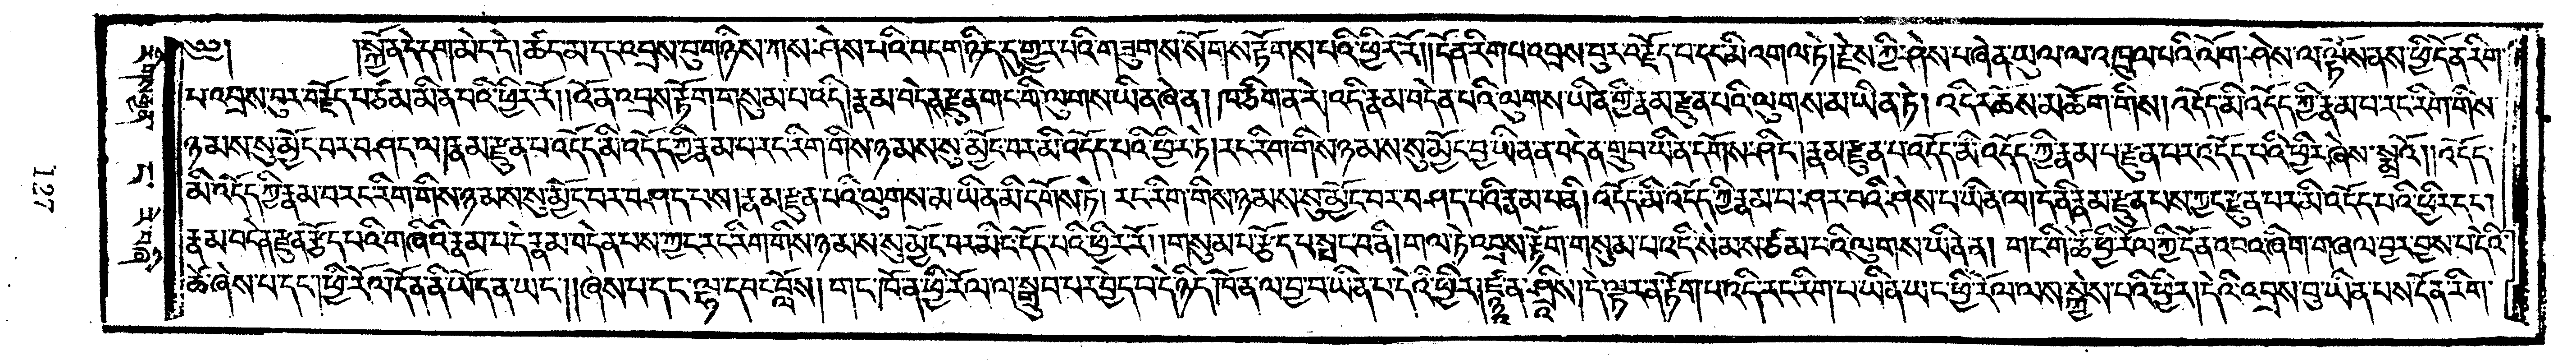༄༅། །སྐྱོན་དེ་དག་མེད་དེ། ཚད་མ་དང་འབྲས་བུ་གཉིས་ཀས་ཤེས་པའི་བདག་ཉིད་དུ་གྱུར་པའི་གཟུགས་སོགས་རྟོགས་པའི་ཕྱིར་རོ། །དོན་རིག་པ་འབྲས་བུར་བརྗོད་པ་དང་མི་འགལ་ཏེ། རྗེས་ཀྱི་ཤེས་པ་ཞན་ཡུལ་ལ་འཁྲུལ་བའི་ལོག་ཤེས་ལ་ལྟོས་ནས་ཕྱི་དོན་རིག་
པ་འབྲས་བུར་བརྗོད་པ་ཙམ་མིན་པའི་ཕྱིར་རོ། །འོ་ན་འབྲས་རྟོག་གསུམ་པ་འདི། རྣམ་བདེན་རྫུན་གང་གི་ལུགས་ཡིན་ཞེ་ན། ཁ་ཅིག་ན་རེ། འདི་རྣམ་བདེན་པའི་ལུགས་ཡིན་གྱི་རྣམ་རྫུན་པའི་ལུགས་མ་ཡིན་ཏེ། འདིར་ཆོས་མཆོག་གིས། འདོད་མི་འདོད་ཀྱི་རྣམ་པ་རང་རིག་གིས་
ཉམས་སུ་མྱོང་བར་བཤད་ལ། རྣམ་རྫུན་པ་འདོད་མི་འདོད་ཀྱི་རྣམ་པ་རང་རིག་གིས་ཉམས་སུ་མྱོང་བར་མི་འདོད་པའི་ཕྱིར་ཏེ། རང་རིག་གིས་ཉམས་སུ་མྱོང་བྱ་ཡིན་ན་བདེན་གྲུབ་ཡིན་དགོས་ཤིང་། རྣམ་རྫུན་པ་འདོད་མི་འདོད་ཀྱི་རྣམ་པ་རྫུན་པར་འདོད་པའི་ཕྱིར་ཞེས། སྨྲའོ། །འདོད་
མི་འདོད་ཀྱི་རྣམ་པ་རང་རིག་གིས་ཉམས་སུ་མྱོང་བར་བཤད་པས། རྣམ་རྫུན་པའི་ལུགས་མ་ཡིན་མི་དགོས་ཏེ། རང་རིག་གིས་ཉམས་སུ་མྱོང་བར་བཤད་པའི་རྣམ་པ་ནི། འདོད་མི་འདོད་ཀྱི་རྣམ་པ་ཤར་བའི་ཤེས་པ་ཡིན་ལ། དེ་ནི་རྣམ་རྫུན་པས་ཀྱང་རྫུན་པར་མི་འདོད་པའི་ཕྱིར་དང་།
རྣམ་བདེན་རྫུན་རྩོད་པའི་གཞིའི་རྣམ་པ་དེ་རྣམ་བདེན་པས་ཀྱང་རང་རིག་གིས་ཉམས་སུ་མྱོང་བར་མི་འདོད་པའི་ཕྱིར་རོ། །གསུམ་པ་རྩོད་པ་སྤང་བ་ནི། གལ་ཏེ་འབྲས་རྟོག་གསུམ་པ་འདི་སེམས་ཙམ་པའི་ལུགས་ཡིན་ན། གང་གི་ཚེ་ཕྱི་རོལ་གྱི་དོན་འབའ་ཞིག་གཞལ་བྱར་བྱས་པ་དེའི་
ཚེ་ཞེས་པ་དང་། ཕྱི་རོལ་དོན་ནི་ཡོད་ན་ཡང་། །ཞེས་པ་དང་ལྷ་དབང་བློས། གང་ཁོ་ན་ཕྱི་རོལ་ལ་སྒྲུབ་པར་བྱེད་པ་དེ་ཉིད་ཁོ་ན་ལ་བྱ་བ་ཡིན་པ་དེའི་ཕྱིར། {ཛཉཱ་ན་ཤྲཱིས།}་དེ་ལྟར་ན་རྟོག་པ་འདི་རང་རིག་པ་ཡིན་ཡང་ཕྱི་རོལ་ལས་སྐྱེས་པའི་ཕྱིར། དེའི་འབྲས་བུ་ཡིན་པས་དོན་རིག་